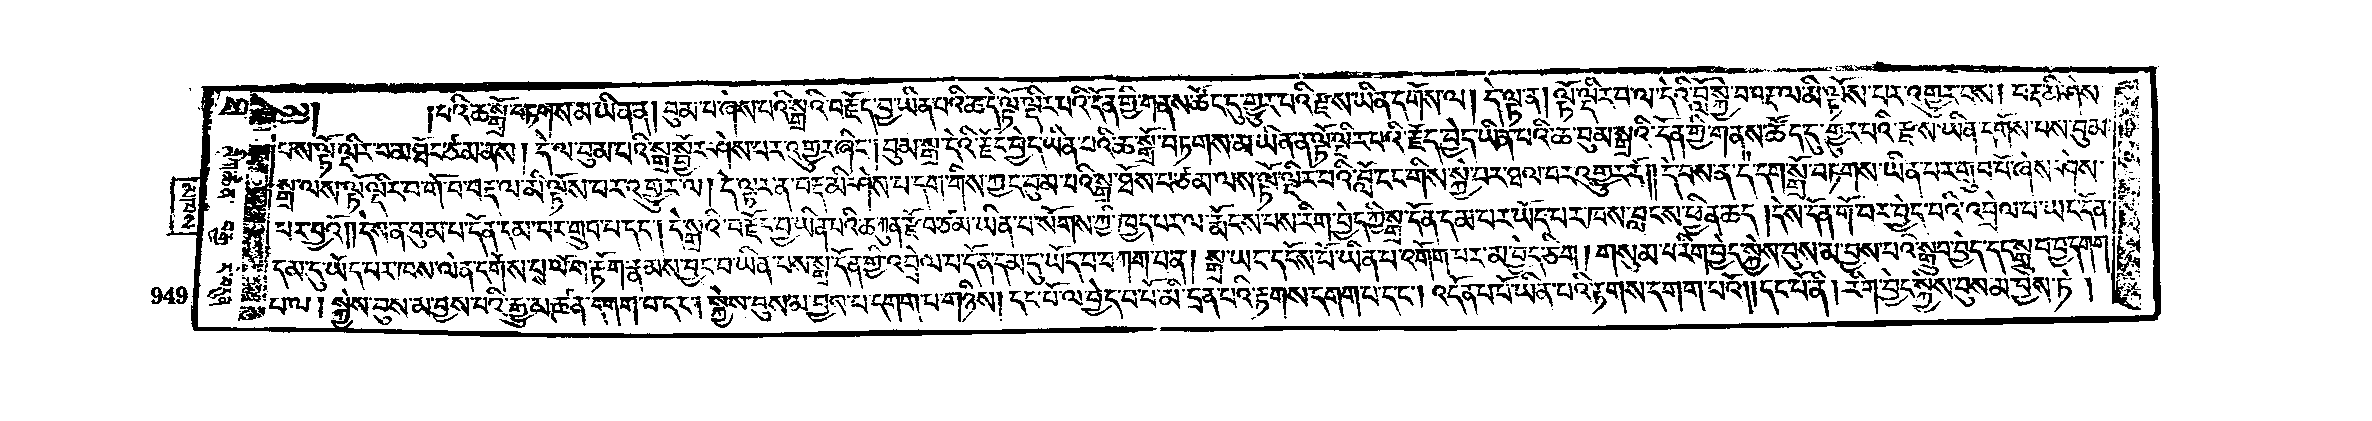༄༅། །པའི་ཆ་སྒྲོ་བཏགས་མ་ཡིན་ན། བུམ་པ་ཞེས་པའི་སྒྲ་བརྗོད་བྱ་ཡིན་པའི་ཆ་དེ་ལྟོ་ལྡིར་པའི་དོན་གྱི་གནས་ཚོང་དུ་གྱུར་པའི་རྫས་ཡིན་དགོས་ལ། དེ་ལྟ་ན། ལྟོ་ལྡིར་བ་ལ་དེའི་བློ་སྐྱེ་བ་བརྡ་ལ་མི་ལྟོས་པར་འགྱུར་བས། བརྡ་མི་ཤེས་
པས་ལྟོ་ལྡིར་བ་མཐོང་ཙམ་ནས། དེ་ལ་བུམ་པའི་སྒྲ་སྦྱོར་ཤེས་པར་འགྱུར་ཞིང་། བུམ་སྒྲ་དེའི་རྗོད་བྱེད་ཡིན་པའི་ཆ་སྒྲོ་བཏགས་མ་ཡིན་ན་ལྟོ་ལྡིར་བའི་རྗོད་བྱེད་ཡིན་པའི་ཆ་བུམ་སྒྲའི་དོན་གྱི་གནས་ཚོད་དུ་གྱུར་པའི་རྫས་ཡིན་དགོས་པས་བུམ་
སྒྲ་ལས་ལྟོ་ལྡིར་བ་གོ་བ་བརྡ་ལ་མི་ལྟོས་པར་འགྱུར་ལ། དེ་ལྟར་ན་བརྡ་མི་ཤེས་པ་དག་གིས་ཀྱང་བུམ་པའི་སྒྲ་ཐོས་པ་ཙམ་ལས་ལྟོ་ལྡིར་བའི་བློ་ངང་གིས་སྐྱེ་བར་ཐལ་བར་འགྱུར་རོ། །དེ་བས་ན་དེ་དག་སྒྲོ་བཏགས་ཡིན་པར་གྲུབ་པོ་ཞེས་ཤེས་
པར་བྱའོ། །དེས་ན་བུམ་པ་དོན་དམ་པར་གྲུབ་པ་དང་། དེ་སྒྲའི་བརྗོད་བྱ་ཡིན་པའི་ཆ་ཀུན་རྫོབ་ཙམ་ཡིན་པ་སོགས་ཀྱི་ཁྱད་པར་ལ་རྨོངས་པས་རིག་བྱེད་ཀྱི་སྒྲ་དོན་དམ་པར་ཡོད་པར་ཁས་བླངས་ཕྱིན་ཆད། དེས་དོན་གོ་བར་བྱེད་པའི་འབྲེལ་པ་ཡང་དོན་དམ་དུ་ཡོད་པར་ཁས་ལེན་དགོས་པ་ལོག་རྟོག་རྣམས་བྱང་བ་ཡིན་པས་སྒྲ་དོན་གྱི་འབྲེལ་པ་དོན་དམ་དུ་ཡོད་པ་བཀག་པ་ན། སྒྲ་ཡང་དངོས་པོ་ཡིན་པ་འགོག་པར་མ་བྱེད་ཅིག། གསུམ་པ་རིག་བྱེད་སྐྱེས་བུས་མ་བྱས་པའི་སྒྲུབ་བྱེད་དང་སྒྲུབ་བྱ་དགག་
པ་ལ། སྐྱེས་བུས་མ་བྱས་པའི་རྒྱུ་མཚན་དགག་པ་དང་། སྐྱེས་བུས་མ་བྱས་པ་དགག་པ་གཉིས། དང་པོ་ལ་བྱེད་པ་པོ་མི་དྲན་པའི་རྟགས་དགག་པ་དང་། འདོན་པ་པོ་ཡིན་པའི་རྟགས་དགག་པའོ། །དང་པོ་ནི། རིག་བྱེད་སྐྱེས་བུས་མ་བྱས་ཏེ།